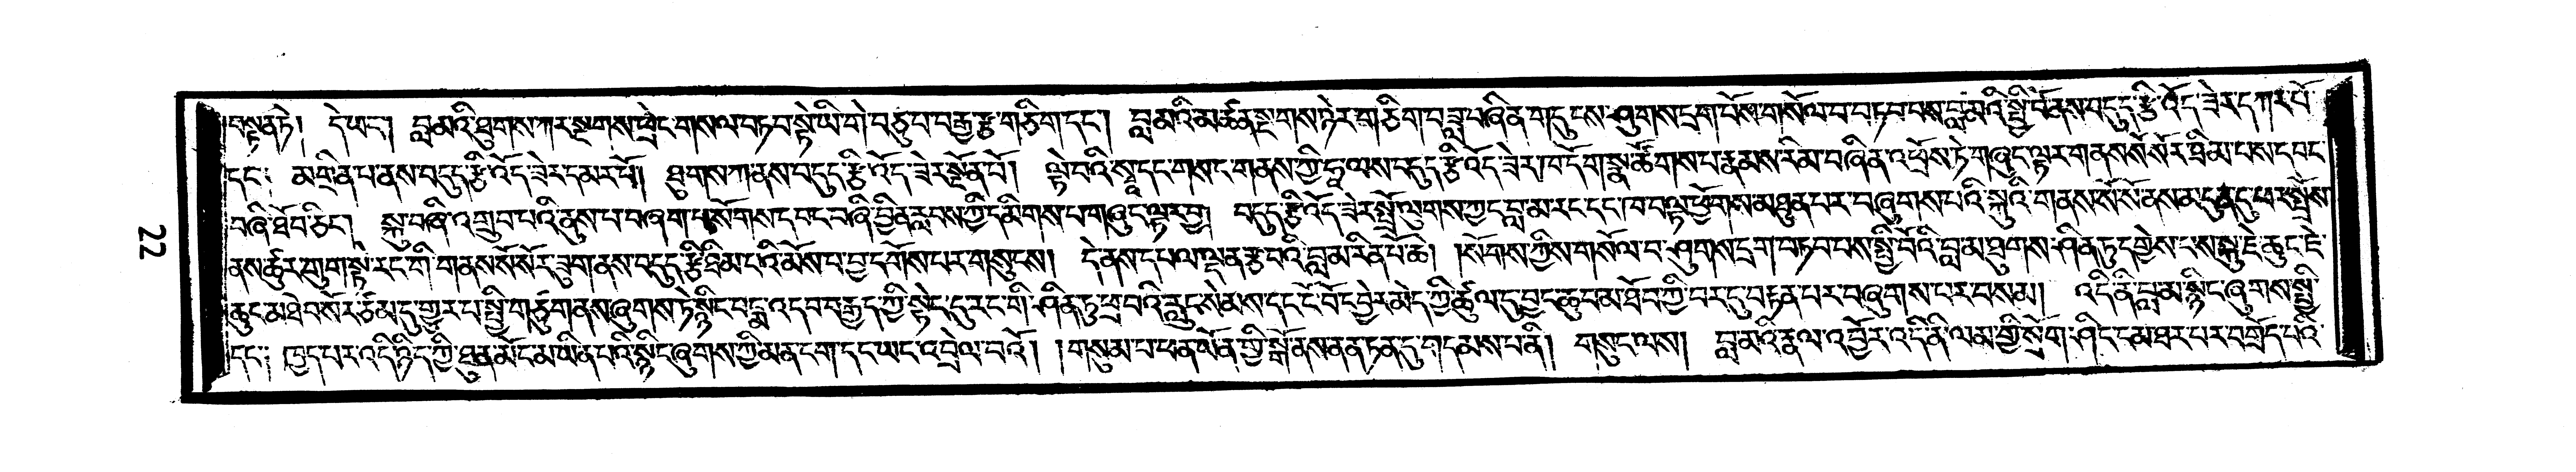བསྟན་ཏེ། དེ་ཡང་། བླ་མའི་ཐུགས་ཀར་སྔགས་ཕྲེང་གསལ་བཏབ་སྟེ་ཡི་གེ་བཅུ་པ་བརྒྱ་རྩ་གཅིག་དང་། བླ་མའི་མཚན་སྤགས་ཉེར་གཅིག་པ་ཟླ་བཞིན་གདུང་ཤུགས་དྲག་པོས་གསོལ་པ་བཏབ་པས་བླ་མའི་སྤྱི་བོ་ནས་བདུད་རྩི་འོད་ཟེར་དཀར་པོ་
དང༑ མགྲིན་པ་ནས་བདུད་རྩི་འོད་ཟེར་དམར་པོ། ཐུགས་ཀ་ནས་བདུད་རྩི་འོད་ཟེར་སྔོན་པོ། ལྟེ་བའི་སྭཱ་དང་གསང་གནས་ཀྱི་ཧཱ་ལས་བདུད་རྩི་འོད་ཟེར་ཁ་དོག་སྣ་ཚོགས་པ་རྣམས་རིམ་བཞིན་འཕྲོས་ཏེ་གཞུང་ལྟར་གནས་སོ་སོར་ཐིམ་པས་དབང་
བཞི་ཐོབ་ཅིང་། སྐུ་བཞི་འགྲུབ་པའི་ནུས་པ་བཞག་པ་སོགས་དབང་བཞི་བྱིན་རླབས་ཀྱི་དམིགས་པ་གཞུང་ལྟར་བྱ། བདུད་རྩི་འོད་ཟེར་སྤྲོ་ལུགས་ཀྱང་བླ་མ་རང་དང་ཁ་བལྟ་ཕྱོགས་མཐུན་པར་བཞུགས་པའི་སྐུའི་གནས་སོ་སོ་ནས་མདུན་དུ་ཕར་སྤྲོས་
ནས་ཚུར་གུག་སྟེ་རང་གི་གནས་སོ་སོར་ཟུག་ནས་བདུད་རྩི་ཐིམ་པའི་མོས་པ་བྱ་དགོས་པར་གསུངས། དེ་ནས་དཔལ་ལྡན་རྩ་བའི་བླ་མ་རིན་པོ་ཆེ། །སོགས་ཀྱིས་གསོལ་བ་ཤུགས་དྲག་བཏབ་པས་སྤྱི་བོའི་བླ་མ་ཐུགས་ཤིན་ཏུ་དགྱེས་པས་སྐུ་ཇེ་ཆུང་ཇེ་
ཆུང་མཐེབ་སོར་ཙམ་དུ་གྱུར་པ་སྤྱི་གཙུག་ནས་ཞུགས་ཏེ་སྙིང་པདམ་འདབ་བརྒྱད་ཀྱི་སྟེང་དུ་རང་གི་ཤིན་ཏུ་ཕྲ་བའི་རླུང་སེམས་དང་ངོ་བོ་དབྱེར་མེད་ཀྱི་ཚུལ་དུ་བྱང་ཆུབ་མ་ཐོབ་ཀྱི་བར་དུ་བརྟན་པར་བཞུགས་པར་བསམ། འདི་ནི་བླ་མ་སྙིང་ཞུགས་སྤྱི་
དང༑ ཁྱད་པར་འདི་ཉིད་ཀྱི་ཐུན་མོང་མ་ཡིན་པའི་སྙིང་ཞུགས་ཀྱི་མན་ངག་དང་ཡང་འབྲེལ་བའོ། །གསུམ་པ་ཕན་པོན་གྱི་སྒོ་ནས་ནན་ཏན་དུ་གདམས་པ་ནི། གསུང་ལས། བླ་མའི་རྣལ་འབྱོར་འདི་ནི་ལམ་གྱི་སྲོག་ཤིང་དམ་ཐར་པར་བགྲོད་པའི་